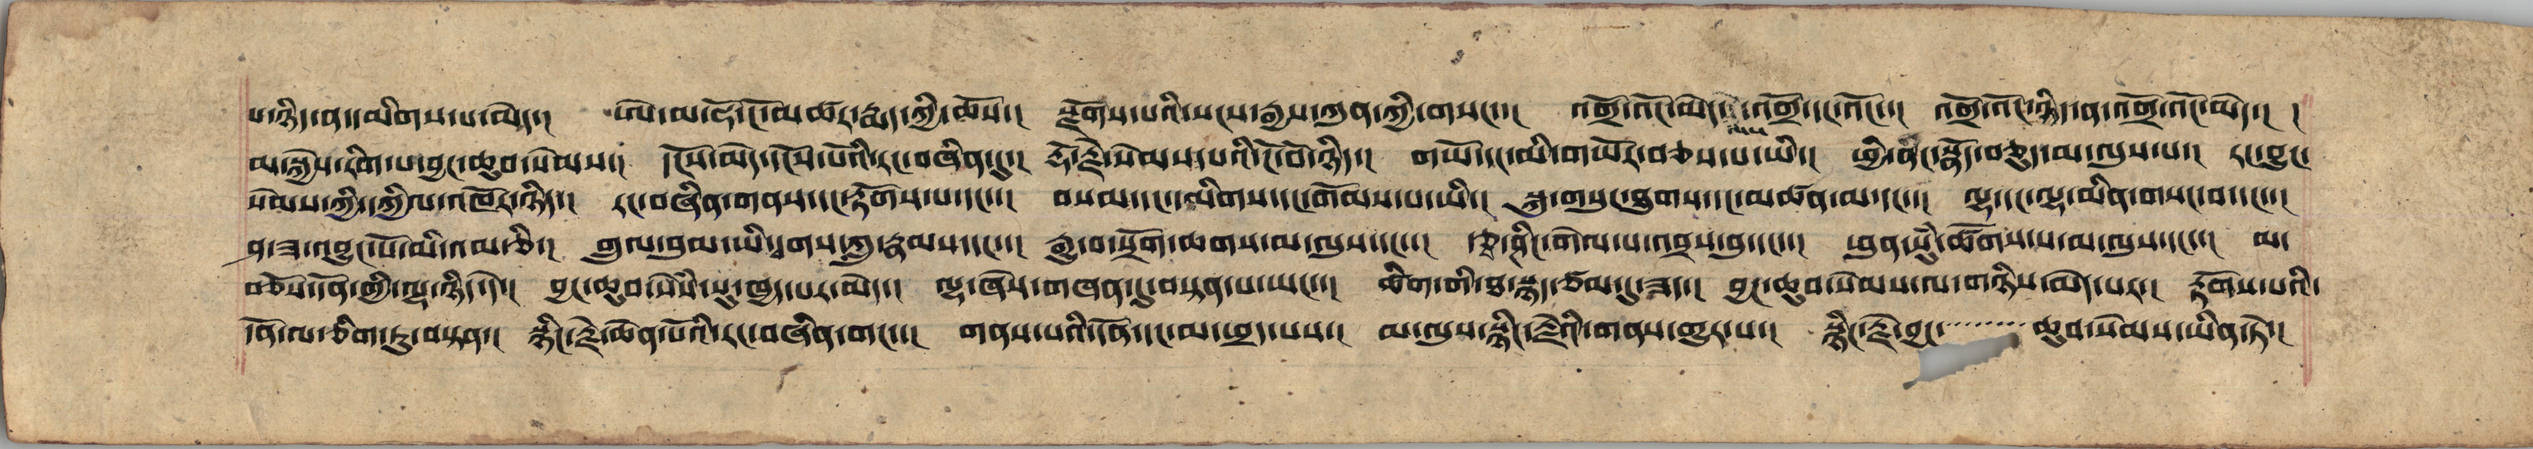པ་ཉིད་ན་དམིགས་པ་མེད་། ཨེ་མ་ཧོ་ངོ་མཚར་རྨད་ཀྱི་ཆོས་། སྫོགས་པའི་སངས་རྒྱས་ཀུན་གྱི་གསང་་། འགྲོ་འོང་མེད་པས་འགྲོ་དང་འོང་་། འགྲོ་འོང་ཉིད་ན་འགྲོ་འོང་མེད་།
མ་སྐྱེས་རིག་པ་བྱང་ཆུབ་སེམས་། དངོས་མེད་དངོས་པོའི་རང་བཞིན་དུ་། རྡོ་རྗེ་སེམས་དཔའི་ངོ་བོ་ཉིད་། གཡོ་དང་མི་གཡོར་བཅས་པ་ཡི་། ཕྱི་ནང་སྣོད་བཅུད་མ་ལུས་པ་། རང་བྱུང་
སེམས་ཀྱི་དཀྱིལ་འཁོར་ཉིད་། རང་བཞིན་གནས་དང་རྟོགས་པ་དང་་། བསམ་དང་དམིགས་དང་གོམས་པ་ཡི་། སྐུ་གསུང་ཐུགས་དང་མཚན་མ་དང་་། ལྷ་དང་ལྷ་མིན་གསང་བ་དང་་།
ཤ་ཟ་འབྱུང་པོ་མི་འམ་ཅི་། གྲུལ་བུམ་ཡི་དྭགས་ཀླུ་རྣམས་དང་་། རྒྱུ་བ་སྲོག་ཆགས་མ་ལུས་དང་་། རྩྭ་ཤིང་གེལ་པ་འབྲས་བུ་དང་་། ཕུན་སུཾ་ཚོགས་པ་མ་ལུས་དང་་། མ་
བཅོས་དོན་གྱི་ལྷ་ཉིད་དེ་། བྱང་ཆུབ་སེཾས་སུ་ཁྱད་པར་མེད་། ལྷ་ཞེས་གཞན་དུ་བསྟན་པ་ཡང་་། ཚིག་གི་ཐ་སྙད་ཙམ་དུ་ཟད་། བྱང་ཆུབ་སེམས་ལ་གཉིས་མེད་པར་། རྟོགས་པའི་
དོན་ལ་ཅིག་ཏུ་བསྟན་། སྙིང་རྗེ་ཆེན་པོའི་རང་བཞིན་གང་་། གནས་པའི་དོན་དང་མ་ཕྲད་པས་། མ་ལུས་སྙིང་རྗེའི་གནས་གྱུར་པ་། སྙིང་རྗེ་བྱང་་་་་་་་ཆུབ་སེམས་ཡིན་ཏེ་།